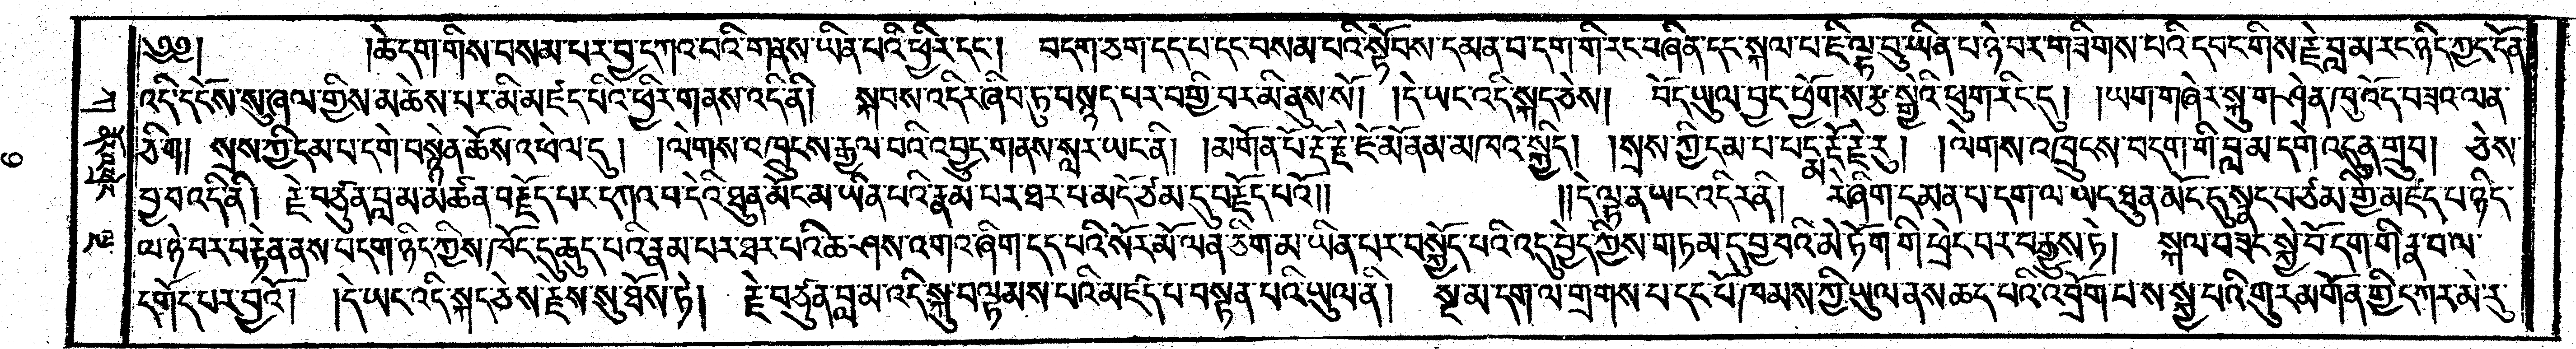༄༅། །ཆེ་དག་གིས་བསམ་པར་བྱ་དཀའ་བའི་གནས་ཡིན་པའི་ཕྱིར་དང་། བདག་ཅག་དད་པ་དང་བསམ་པའི་སྟོབས་དམན་བ་དག་གི་རང་བཞིན་དང་སྐལ་པ་ཇི་ལྟ་བུ་ཡིན་པ་ཉེ་བར་གཟིགས་པའི་དབང་གིས་རྗེ་བླ་མ་རང་ཉིད་ཀྱང་དོན་
འདི་དངོས་སུ་ཞལ་གྱིས་མཆེས་པར་མི་མཛད་པའི་ཕྱིར་གནས་འདི་ནི། སྐབས་འདིར་ཞིབ་ཏུ་བསྙད་པར་བགྱི་བར་མི་ནུས་སོ། །དེ་ཡང་འདི་སྐད་ཅེས། བོད་ཡུལ་བྱང་ཕྱོགས་རྩ་སྒྱེའི་ཕུག་རིང་དུ། །ཡག་གཞེར་སྐུ་གཤེན་ཁུ་འོད་བཟའ་ལན་
ཅིག། སྲས་ཀྱི་དམ་པ་དགེ་བསྙེན་ཆོས་འཕེལ་དུ། །ལེགས་འཁྲུངས་རྒྱལ་བའི་འབྱུང་གནས་སླར་ཡང་ནི། །མགོན་པོ་རྡོ་རྗེ་ཇོ་མོ་ནམ་མཁའ་སྐྱིད། །སྲས་ཀྱི་དམ་པ་པདམ་རྡོ་རྗེ་རུ། །ལེགས་འཁྲུངས་བདག་གི་བླ་མ་དགེ་འདུན་གྲུབ། ཅེས་
བྱ་བ་འདི་ནི། རྗེ་བཙུན་བླ་མ་མཚན་བརྗོད་པར་དཀའ་བ་དེའི་ཐུན་མོང་མ་ཡིན་པའི་རྣམ་པར་ཐར་པ་མདོ་ཙམ་དུ་བརྗོད་པའོ།། །།དེ་ལྟ་ན་ཡང་འདིར་ནི། རེ་ཞིག་དམན་པ་དག་ལ་ཡང་ཐུན་མོང་དུ་སྣང་བ་ཙམ་གྱི་མཛད་པ་ཉིད་
ལ་ཉེ་བར་བརྟེན་ནས་བདག་ཉིད་ཀྱིས་ཁོང་དུ་ཆུད་པའི་རྣམ་པར་ཐར་པའི་ཆ་ཤས་འགའ་ཞིག་དད་པའི་སོར་མོ་ལན་ཅིག་མ་ཡིན་པར་བསྐྱོད་པའི་འདུ་བྱེད་ཀྱིས་གཏམ་དུ་བྱ་བའི་མེ་ཏོག་གི་ཕྲེང་བར་བརྒྱུས་ཏེ། སྐལ་བཟང་སྐྱེ་བོ་དག་གི་རྣ་བ་ལ་
དགོད་པར་བྱའོ། །དེ་ཡང་འདི་སྐད་ཅེས་རྗེས་སུ་ཐོས་ཏེ། རྗེ་བཙུན་བླ་མ་འདི་སྐུ་བལྟམས་པའི་མཛད་པ་བསྟན་པའི་ཡུལ་ནི། སྔ་མ་དག་ལ་གྲགས་པ་དང་པོ་ཁམས་ཀྱི་ཡུལ་ནས་ཆད་པའི་འབྲོག་པས་སྐྱ་པའི་གུར་མགོན་གྱི་དཀར་མེ་རུ་